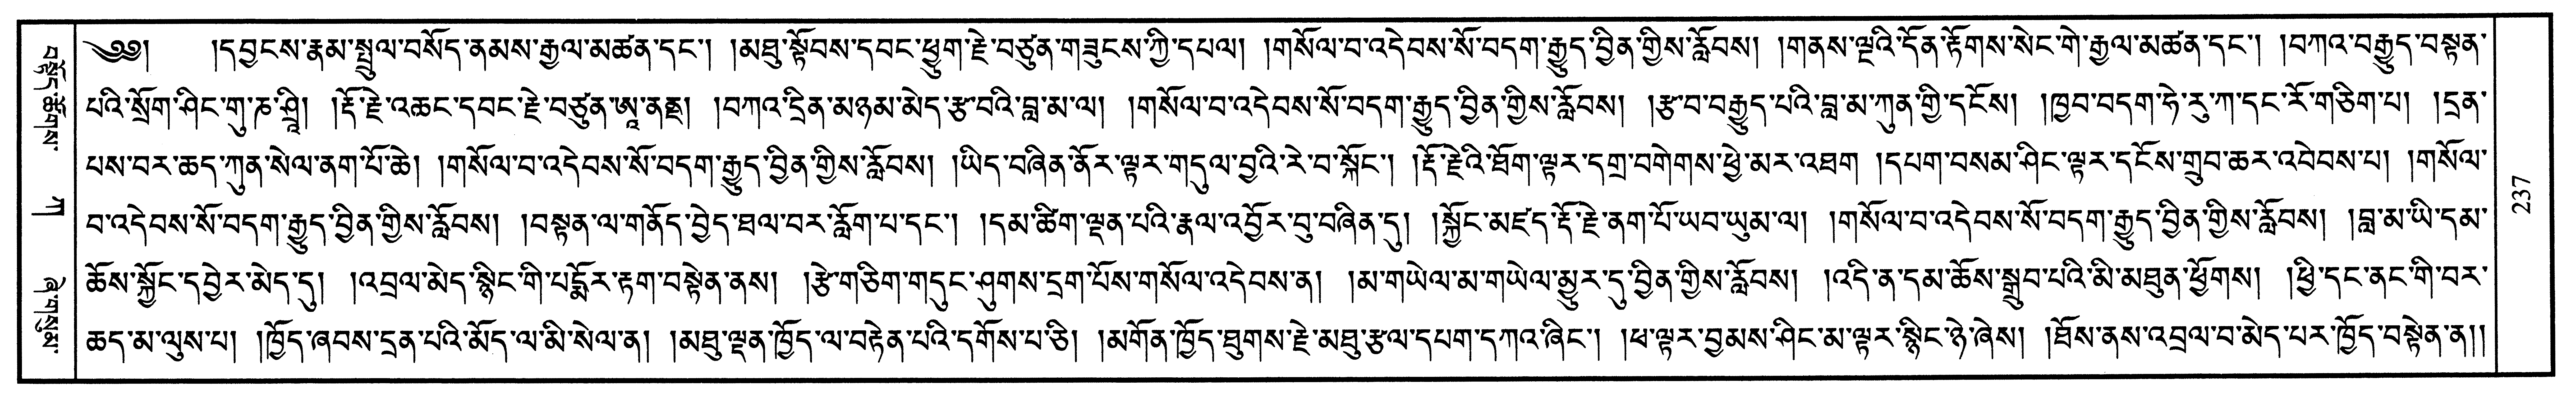༄༅། །དབྱངས་རྣམ་སྤྲུལ་བསོད་ནམས་རྒྱལ་མཚན་དང་། །མཐུ་སྟོབས་དབང་ཕྱུག་རྗེ་བཙུན་གཟུངས་ཀྱི་དཔལ། །གསོལ་བ་འདེབས་སོ་བདག་རྒྱུད་བྱིན་གྱིས་རློབས། །གནས་ལྔའི་དོན་རྟོགས་སེང་གེ་རྒྱལ་མཚན་དང་། །བཀའ་བརྒྱུད་བསྟན་
པའི་སྲོག་ཤིང་གུ་ཎ་ཤྲཱི། །རྡོ་རྗེ་འཆང་དབང་རྗེ་བཙུན་ཨཱ་ནནྡ། །བཀའ་དྲིན་མཉམ་མེད་རྩ་བའི་བླ་མ་ལ། །གསོལ་བ་འདེབས་སོ་བདག་རྒྱུད་བྱིན་གྱིས་རློབས། །རྩ་བ་བརྒྱུད་པའི་བླ་མ་ཀུན་གྱི་དངོས། །ཁྱབ་བདག་ཧེ་རུ་ཀ་དང་རོ་གཅིག་པ། །དྲན་
པས་བར་ཆད་ཀུན་སེལ་ནག་པོ་ཆེ། །གསོལ་བ་འདེབས་སོ་བདག་རྒྱུད་བྱིན་གྱིས་རློབས། །ཡིད་བཞིན་ནོར་ལྟར་གདུལ་བྱའི་རེ་བ་སྐོང་། །རྡོ་རྗེའི་ཐོག་ལྟར་དགྲ་བགེགས་ཕྱེ་མར་འཐག །དཔག་བསམ་ཤིང་ལྟར་དངོས་གྲུབ་ཆར་འབེབས་པ། །གསོལ་
བ་འདེབས་སོ་བདག་རྒྱུད་བྱིན་གྱིས་རློབས། །བསྟན་ལ་གནོད་བྱེད་ཐལ་བར་རློག་པ་དང་། །དམ་ཚིག་ལྡན་པའི་རྣལ་འབྱོར་བུ་བཞིན་དུ། །སྐྱོང་མཛད་རྡོ་རྗེ་ནག་པོ་ཡབ་ཡུམ་ལ། །གསོལ་བ་འདེབས་སོ་བདག་རྒྱུད་བྱིན་གྱིས་རློབས། །བླ་མ་ཡི་དམ་
ཆོས་སྐྱོང་དབྱེར་མེད་དུ། །འབྲལ་མེད་སྙིང་གི་པདམོར་རྟག་བསྟེན་ནས། །རྩེ་གཅིག་གདུང་ཤུགས་དྲག་པོས་གསོལ་འདེབས་ན། །མ་གཡེལ་མ་གཡེལ་མྱུར་དུ་བྱིན་གྱིས་རློབས། །འདི་ན་དམ་ཆོས་སྒྲུབ་པའི་མི་མཐུན་ཕྱོགས། །ཕྱི་དང་ནང་གི་བར་
ཆད་མ་ལུས་པ། །ཁྱོད་ཞབས་དྲན་པའི་མོད་ལ་མི་སེལ་ན། །མཐུ་ལྡན་ཁྱོད་ལ་བརྟེན་པའི་དགོས་པ་ཅི། །མགོན་ཁྱོད་ཐུགས་རྗེ་མཐུ་རྩལ་དཔག་དཀའ་ཞིང་། །ཕ་ལྟར་བྱམས་ཤིང་མ་ལྟར་སྙིང་ཉེ་ཞེས། །ཐོས་ནས་འབྲལ་བ་མེད་པར་ཁྱོད་བསྟེན་ན།།